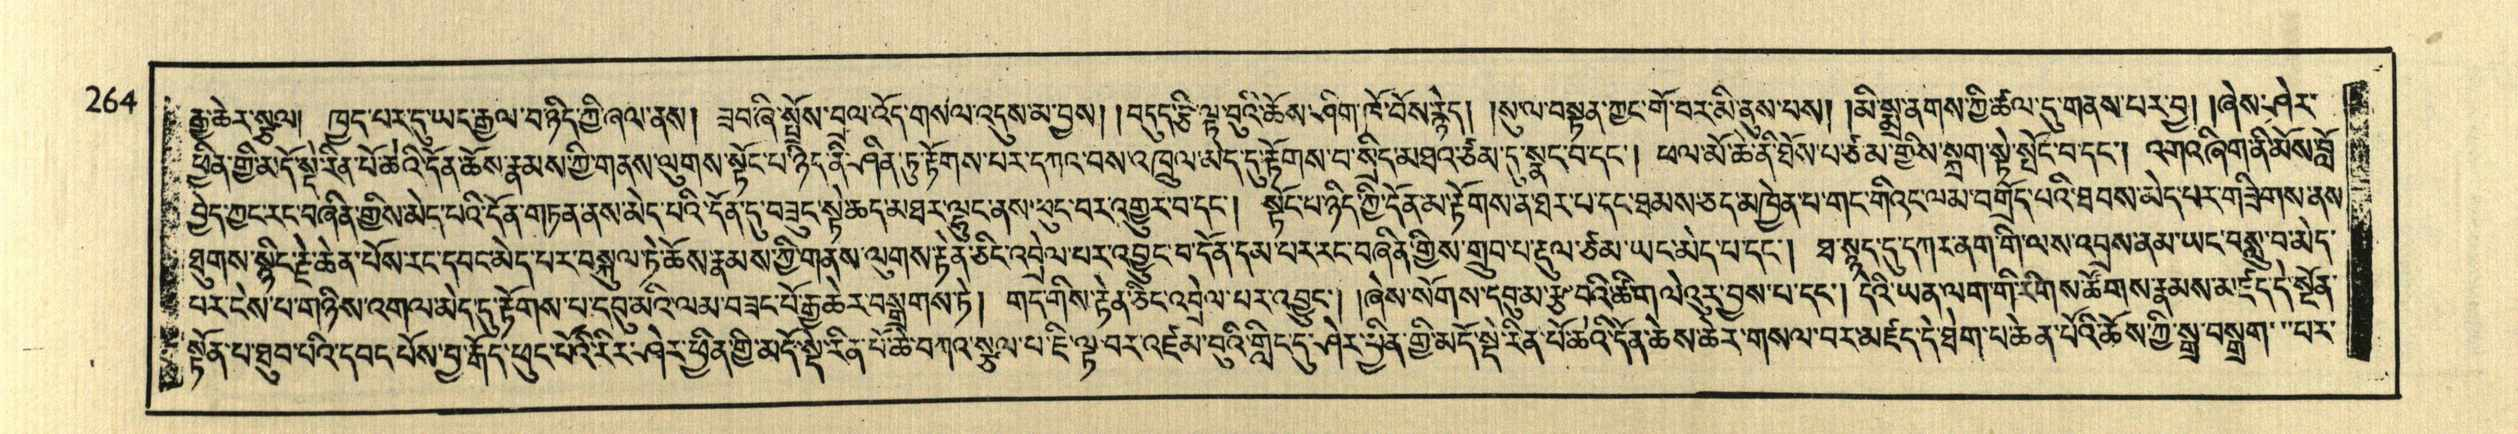རྒྱ་ཆེར་སྩལ། ཁྱད་པར་དུ་ཡང་རྒྱལ་བ་ཉིད་ཀྱི་ཞལ་ནས། ཟབ་ཞི་སྤྲོས་བྲལ་འོད་གསལ་འདུས་མ་བྱས། །བདུད་རྩི་ལྟ་བུའི་ཆོས་ཤིག་ཁོ་བོས་རྙེད། །སུ་ལ་བསྟན་ཀྱང་གོ་བར་མི་ནུས་པས། །མི་སྨྲ་ནགས་ཀྱི་ཚལ་དུ་གནས་པར་བྱ། །ཞེས་ཤེར་
ཕྱིན་གྱི་མདོ་སྡེ་རིན་པོ་ཆེའི་དོན་ཆོས་རྣམས་ཀྱི་གནས་ལུགས་སྟོང་པ་ཉིད་ནི་ཤིན་ཏུ་རྟོགས་པར་དཀའ་བས་འཁྲུལ་མེད་དུ་རྟོགས་པ་སྲིད་མཐའ་ཙམ་དུ་སྣང་བ་དང་། ཕལ་མོ་ཆེ་ནི་ཐོས་པ་ཙམ་གྱིས་སྐྲག་སྟེ་སྤོང་བ་དང་། འགའ་ཞིག་ནི་མོས་བློ་
བྱེད་ཀྱང་རང་བཞིན་གྱིས་མེད་པའི་དོན་གཏན་ནས་མེད་པའི་དོན་དུ་བཟུང་སྟེ་ཆད་མཐར་ལྷུང་ནས་ཕུང་བར་འགྱུར་བ་དང་། སྟོང་པ་ཉིད་ཀྱི་དོན་མ་རྟོགས་ན་ཐར་པ་དང་ཐམས་ཅད་མཁྱེན་པ་གང་གིའང་ལམ་བགྲོད་པའི་ཐབས་མེད་པར་གཟིགས་ནས་
ཐུགས་སྙིང་རྗེ་ཆེན་པོས་རང་དབང་མེད་པར་བསྐུལ་ཏེ་ཆོས་རྣམས་ཀྱི་གནས་ལུགས་རྟེན་ཅིང་འབྲེལ་པར་འབྱུང་བ་དོན་དམ་པར་རང་བཞིན་གྱིས་གྲུབ་པ་རྡུལ་ཙམ་ཡང་མེད་པ་དང་། ཐ་སྙད་དུ་དཀར་ནག་གི་ལས་འབྲས་ནམ་ཡང་བསླུ་བ་མེད་
པར་ངེས་པ་གཉིས་འགལ་མེད་དུ་རྟོགས་པ་དབུ་མའི་ལམ་བཟང་པོ་རྒྱ་ཆེར་བསྒྲགས་ཏེ། གང་གིས་རྟེན་ཅིང་འབྲེལ་པར་འབྱུང་། །ཞེས་སོགས་དབུ་མ་རྩ་བའི་ཚིག་ལེའུར་བྱས་པ་དང་། དེའི་ཡན་ལག་གི་རིགས་ཚོགས་རྣམས་མཛད་དེ་སྔོན་
སྟོན་པ་ཐུབ་པའི་དབང་པོས་བྱ་རྒོད་ཕུང་པོའི་རིར་ཤེར་ཕྱིན་གྱི་མདོ་སྡེ་རིན་པོ་ཆེ་བཀའ་སྩལ་པ་ཇི་ལྟ་བར་འཛམ་བུའི་གླིང་དུ་ཤེར་ཕྱིན་གྱི་མདོ་སྡེ་རིན་པོ་ཆེའི་དོན་ཆེས་ཆེར་གསལ་བར་མཛད་དེ་ཐེག་པ་ཆེན་པོའི་ཆོས་ཀྱི་སྒྲ་བསྒྲག་པར་